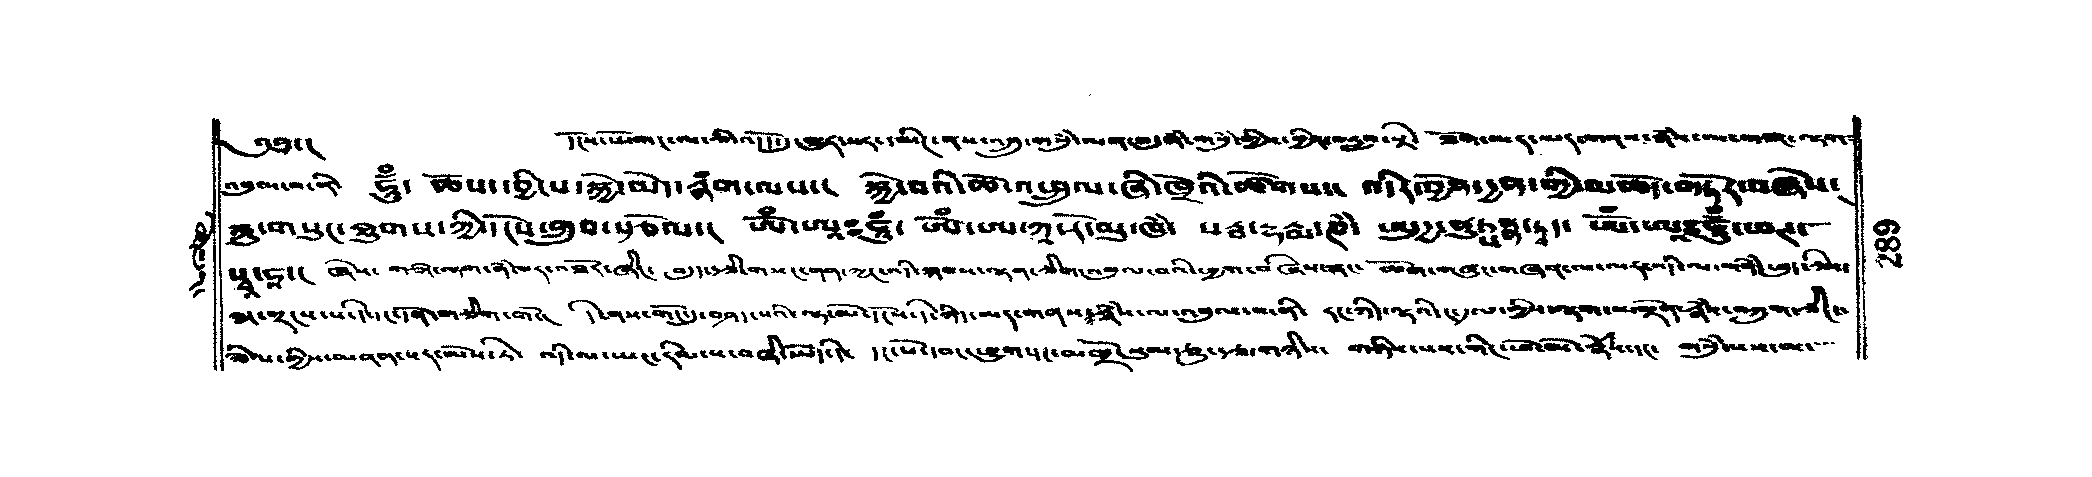དངོས་པོ་གང་ལ་ཅི་འདོད་དུ་གྱུར་པར་དམིགས་ནས་འབྲུ་གསུམ་ལན་བདུན་ནམ་གསུམ་གྱིས་བརླབ་སྟེ། ཐོག་མར་ཡར་གནས་རྣམས་ལ་གཙང་ལྷག་
འབུལ་བ་ནི། ཧཱུྃ། ཆོས་དབྱིངས་སྐྱེ་མེད་རྣམ་དག་ལས། །སྐྱེ་བའི་ཆོ་འཕྲུལ་ཞི་ཁྲོའི་ཚོགས། །འདིར་བྱོན་རྒྱན་གྱིས་མཆོད་གཏོར་བཞེས། །
སྐུ་་གསུང་ཐུགས་ཀྱི་དངོས་གྲུབ་སྩོལ། །ཨོཾ་ཨཱ་ཧཱུྃ། ཨོཾ་ཨ་ཀཱ་རོ་མུ་ཁཾ། སརྦ་དྷརྨ་ཎཾ། ཨུདྱ་ནུཏྤནྣཏྭད། ཨོཾ་ཨཱཿཧཱུྃ་ཕཊ་
སྭཱ་ཧཱ། ཞེས་གཙང་ལྷག་ནམ་མཁར་འཐོར་ཞིང་། བདུད་རྩི་གསང་ནན་ཀྱང་འདི་སྐབས་ལྷན་ཅིག་འབུལ་བའི་ཕྱག་བཞེས་སྣང་། ཆོག་གཞུང་གཞན་ལ་ལར་འདི་ལ་གནམ་ཕུད་ཅེས་
ཀྱང་གྲགས་པ་དེ་དང་དོན་གཅིག་གོ་དེ་ནས་གོང་དུ་བཤད་པའི་ལྷ་མོ་དངོས་དེ་ཉིད་མར་གནས་རྣམས་ལ་འབུལ་བ་ནི། རང་ཉིད་ལྷའི་ང་རྒྱལ་གྱིས་ལྷག་མགྲོན་རྣམས་བཀུག་ཅིང་
ཟིལ་གྱིས་མནན་པར་མོས་ཏེ།འདི་ལ་ཡང་རིམ་པ་བཞི་ཡོད་དེ། དང་པོ་དབང་ཕྱུག་དང་མཁའ་འགྲོ་སུམ་ཅུ་རྩ་གཉིས། གཉིས་པས་གིང་ཕོ་མོ་རྣམས་དང་། གསུམ་པས་མ་